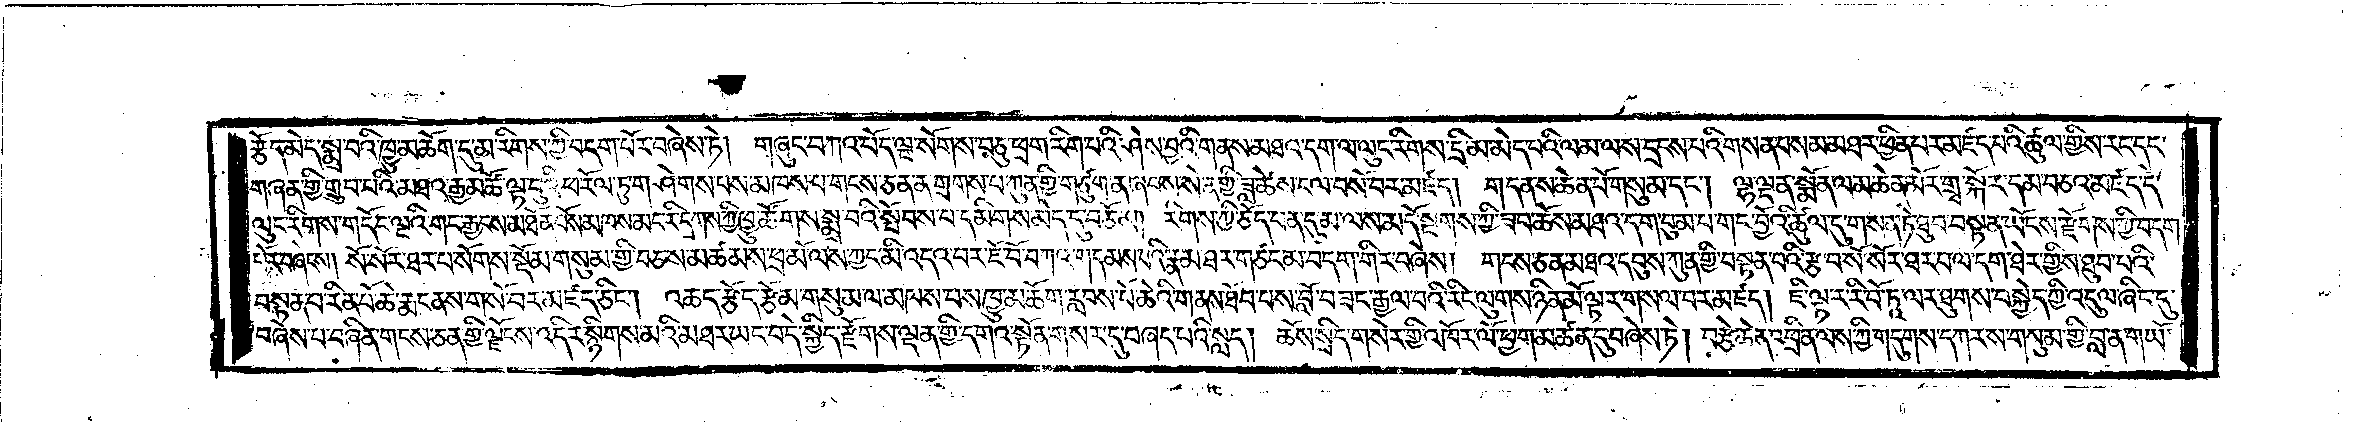རྩོད་མེད་སྨྲ་བའི་ཁྱུ་མཆོག་དུ་མ་རིགས་ཀྱི་བདག་པོར་བཞེས་ཏེ། གཞུང་བཀའ་པོད་ལྔ་སོགས་བཅུ་ཕྲག་རིག་པའི་ཤེས་བྱའི་གནས་མཐའ་དག་ལ་ལུང་རིགས་དྲི་མ་མེད་པའི་ལམ་ལས་དྲངས་པའི་གསན་བསམ་མཐར་ཕྱིན་པར་མཛད་པའི་ཚུལ་གྱིས་རང་དང་
གཞན་གྱི་གྲུབ་པའི་མཐའ་རྒྱ་མཚོ་ལྟ་བུའི་ཕ་རོལ་ཏུ་གཤེགས་པས་མཁས་པ་གངས་ཅན་ན་གྲགས་པ་ཀུན་གྱི་གཙུག་ན་ཞབས་སེན་གྱི་ཟླ་ཚེས་ངལ་བསོ་བར་མཛད། གདན་ས་ཆེན་པོ་གསུམ་དང་། ལྷ་ལྡན་སྨོན་ལམ་ཆེན་མོར་གྲྭ་སྐོར་དམ་བཅའ་མཛད་དེ་
ལུང་རིགས་གདོང་ལྔའི་གང་རྒྱངས་མཐོན་པོས་མཁས་མང་རི་དྲགས་ཀྱི་ཁྱུ་ཚོགས་སྨྲ་བའི་སྤོབས་པ་དམིགས་མེད་དུ་བཅོམ། རིགས་ཀྱི་ཅོད་པན་དུ་མ་ལས་མདོ་སྔགས་ཀྱི་ཟབ་ཆོས་མཐའ་དག་བུམ་པ་གང་བྱོའི་ཚུལ་དུ་གསན་ཏེ་ཐུབ་བསྟན་ཡོངས་རྫོགས་ཀྱི་བདག་
པོར་བཞེངས། སོ་སོར་ཐར་པ་སོགས་སྡོམ་གསུམ་གྱི་བཅས་མཚམས་ཕྲ་མོ་ལས་ཀྱང་མི་འདའ་བར་ཇོ་བོ་བཀའ་གདམས་པའི་རྣམ་ཐར་གཙང་མ་བདག་གིར་བཞེས། གངས་ཅན་མཐའ་དབུས་ཀུན་གྱི་བསྟན་བའི་རྩ་བ་སོ་སོར་ཐར་པ་ལ་དག་ཐེར་གྱིས་ཐུབ་པའི་
བསྟན་པ་རིན་པོ་ཆེ་རྨང་ནས་གསོ་བར་མཛད་ཅིང་། འཆད་རྩོད་རྩོམ་གསུམ་ལ་མཁས་པས་ཁྱུ་མཆོག་རླབས་པོ་ཆེའི་གནས་ཐོབ་པས་བློ་བཟང་རྒྱལ་བའི་རིང་ལུགས་ཉིན་མོ་ལྟར་གསལ་བར་མཛད། ཇི་ལྟར་རི་བོ་ཏཱ་ལར་ཐུགས་བསྐྱེད་ཀྱི་འདུལ་ཞིང་དུ་
བཞེས་པ་བཞིན་གངས་ཅན་གྱི་ལྗོངས་འདིར་སྙིགས་མའི་མཐར་ཡང་བདེ་སྐྱིད་རྫོགས་ལྡན་གྱི་དགའ་སྟོན་གསར་དུ་བཞད་པའི་སླད། ཆོས་སྲིད་གསེར་གྱི་འཁོར་ལོ་ཕྱག་མཚན་དུ་བཞེས་ཏེ། བརྩེ་ཆེན་འཕྲིན་ལས་ཀྱི་གདུགས་དཀར་ས་གསུམ་གྱི་བླ་ན་གཡོ་